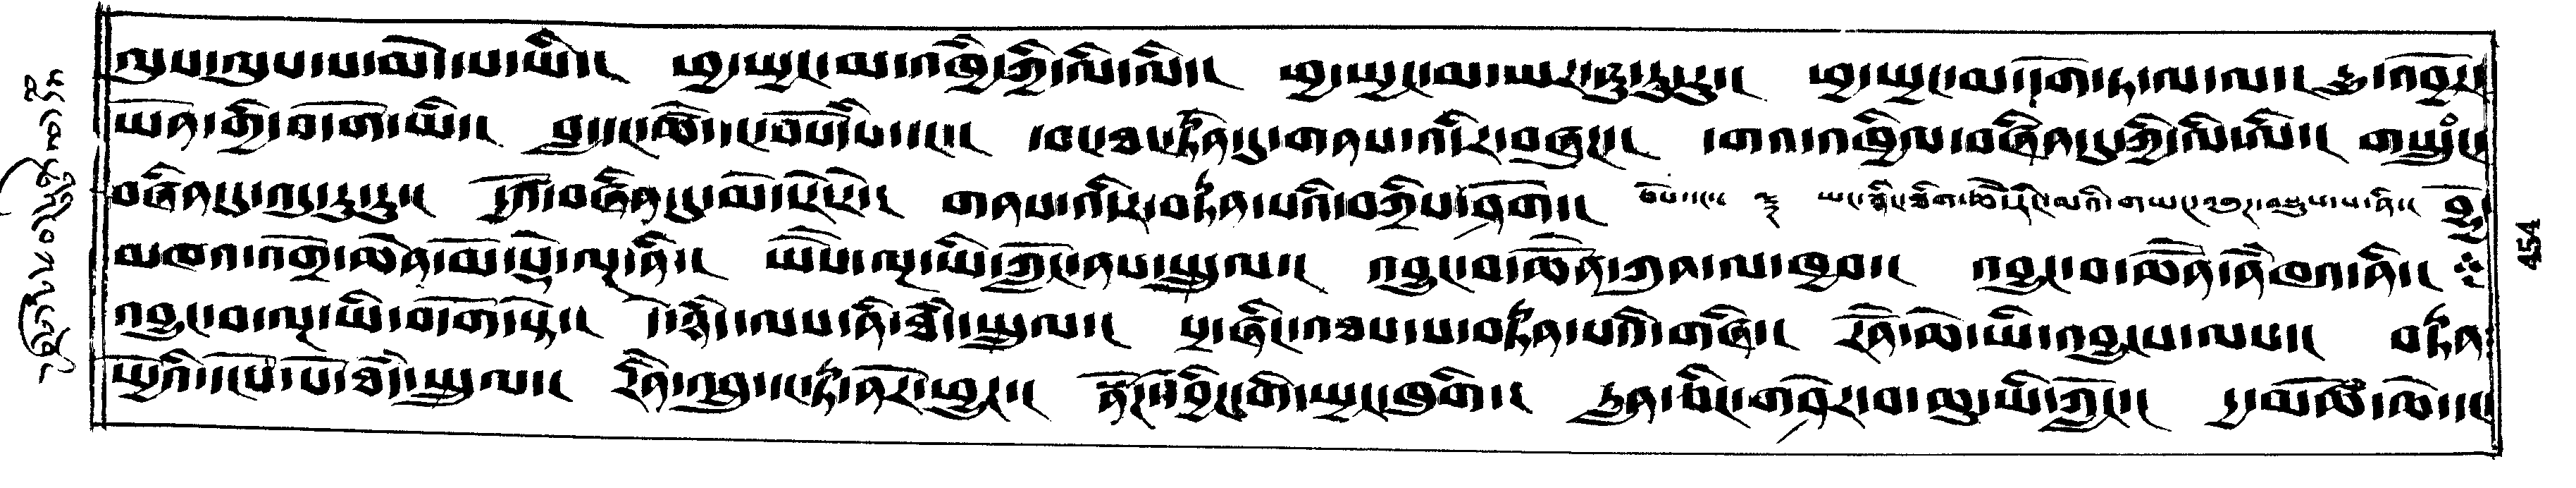ལུས་ལུས་པ་མེད་པ་ཡི། །ཕྱྭ་གཡང་མ་འཁྱམས་ཀྱི་ལི་ལི། །ཕྱྭ་གཡང་མ་ཡར་ནུ་རུ་རུ། །ཕྱ་གཡང་མ་དོག་ཏ་ལ་ལ། །རྒྱུ་འབྱོར་
ཡོན་གྱི་བདག་པོ་ཡི། །བླ་དང་ཚེ་དང་བསོད་ནམས་དང་། །དབང་ཐང་རྟེན་དུ་གནས་འདིར་བཞུགས། །དགའ་འཁྱིལ་བཞིན་དུ་ཀྱི་ལི་ལི། །གཡུང་གྲུང་
བཞིན་དུ་འདུ་རུ་རུ། །རྒྱ་མཚོ་བཞིན་དུ་མེ་རེ་རེ། །གནས་འདིར་བརྟན་པའི་བཀྲ་ཤིས་ཤོག ། ཅེས་དང་། ༈ ཡང་སྙིང་ཐིག་ཚེ་རིང་མའི་གཡང་འགུགས་བསྡུས་པ་ནི། བྷྱོ་
མཁའ་འགྲོ་ཆེན་མོ་སྡེ་ལྔ་ནི། །ཡེ་ཤེས་ལྔ་ཡི་ཀློང་ནས་སྤྲུལ། །འབྱུང་བ་ཆེན་པོ་ཀུན་ལ་ཁྱབ། །འབྱུང་བ་ཆེན་པོ་ནམ་མཁའ་ནི། །
འབྱུང་བ་ལྔ་ཡི་བདག་པོ་སྟེ། །དེ་ཉིད་ལས་ནི་ཐམས་ཅད་སྤྲུལ། །སྲ་ཞིང་འཐད་པ་བརྟན་པའི་གཞི། །རིན་པོ་ཆེ་ཡི་འབྱུང་གནས་ལས། །བརྟན་
གཡོའི་དངོས་པོ་ཐམས་ཅད་སྤྲུལ། །རིན་ཆེན་འབྲུ་དང་རྟ་ནོར་ཕྱུགས། །སྣ་ཚོགས་དབྱིག་གི་གཡང་ཁུ་ཅིག །རླན་ཅིང་གཤེར་བ་ཆུ་ཡི་ཀློང་། །རྒྱ་མཚོ་ཆེ་དང་